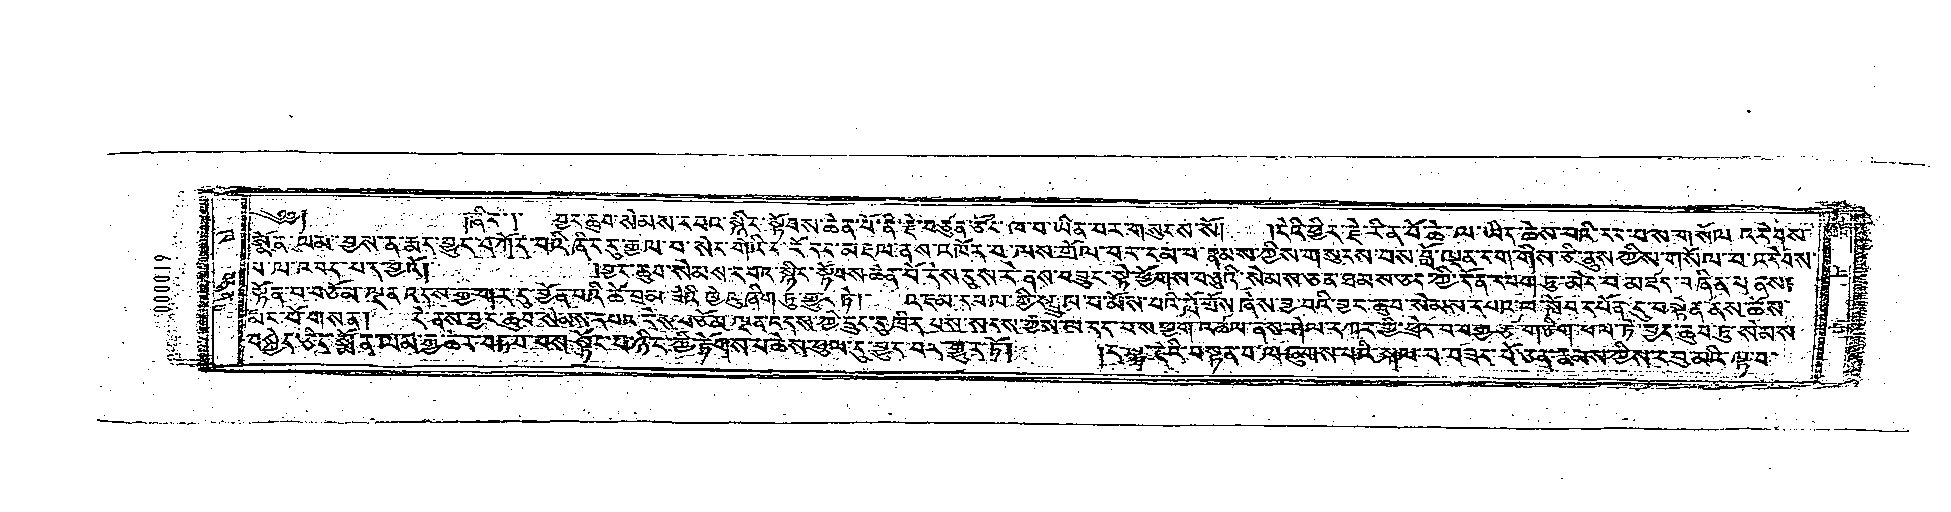༄༅། །ཞིང་། བྱང་ཆུབ་སེམས་དཔའ་སྙིང་སྟོབས་ཆེན་པོ་ནི་རྗེ་བཙུན་ཙོང་ཁ་པ་ཡིན་པར་གསུངས་སོ། །དེའི་ཕྱིར་རྗེ་རིན་པོ་ཆེ་ལ་ཡིད་ཆེས་པའི་དད་པས་གསོལ་འདེབས་
སྨོན་ལམ་བྱས་ན་རྨད་བྱུང་བཀོད་བའི་ཞིང་དུ་རྒྱལ་བ་སེང་གེའི་ང་རོ་དང་མཇལ་ནས་འཁོར་བ་ལས་གྲོལ་བར་དམ་པ་རྣམས་ཀྱིས་གསུངས་པས་བློ་ལྡན་ངག་གིས་ཅི་ནུས་ཀྱིས་གསོལ་བ་འདེབས་
པ་ལ་འབད་པར་བྱའོ། །བྱང་ཆུབ་སེམས་དཔའ་སྙིང་སྟོབས་ཆེན་པོ་དེས་དུས་དེ་ནས་བཟུང་སྟེ་ཕྱོགས་བཅུའི་སེམས་ཅན་ཐམས་ཅད་ཀྱི་དོན་དཔག་ཏུ་མེད་པ་མཛད་བཞིན་པ་ནས།
སྟོན་པ་བཅོམ་ལྡན་འདས་རྒྱ་གར་དུ་བྱོན་པའི་ཚེ་བྲམ་ཟེའི་ཁྱེའུ་ཞིག་ཏུ་གྱུར་ཏེ། འཇམ་དཔལ་གྱི་སྤྲུལ་པ་མོས་པའི་བློ་གྲོས་ཞེས་བྱ་བའི་བྱང་ཆུབ་སེམས་དཔའ་ལ་སློབ་དཔོན་དུ་བསྟེན་ནས་ཆོས་
མང་པོ་གསན། དེ་ནས་བྱང་ཆུབ་སེམས་དཔའ་དེས་བཅོམ་ལྡན་འདས་ཀྱི་དྲུང་དུ་ཁྲིད་པས་སངས་རྒྱས་ལ་དད་པས་ཕྱག་འཚལ་ནས་ཤེལ་དཀར་གྱི་ཕྲེང་བ་བརྒྱ་རྩ་གཅིག་ཕུལ་ཏེ་བྱང་ཆུབ་ཏུ་སེམས་
བསྐྱེད་ཅིང་སྨོན་ལམ་རྒྱ་ཆེར་བཏབ་པས་སྟོང་པ་ཉིད་ཀྱི་རྟོགས་པ་ཆེས་ཕུལ་དུ་བྱུང་བར་གྱུར་ཏོ། །ད་ལྟ་རྗེའི་བསྟན་པ་ལ་ཞུགས་པའི་སྐལ་པ་བཟང་པོ་ཅན་རྣམས་ཀྱིས་དབུ་མའི་ལྟ་བ་